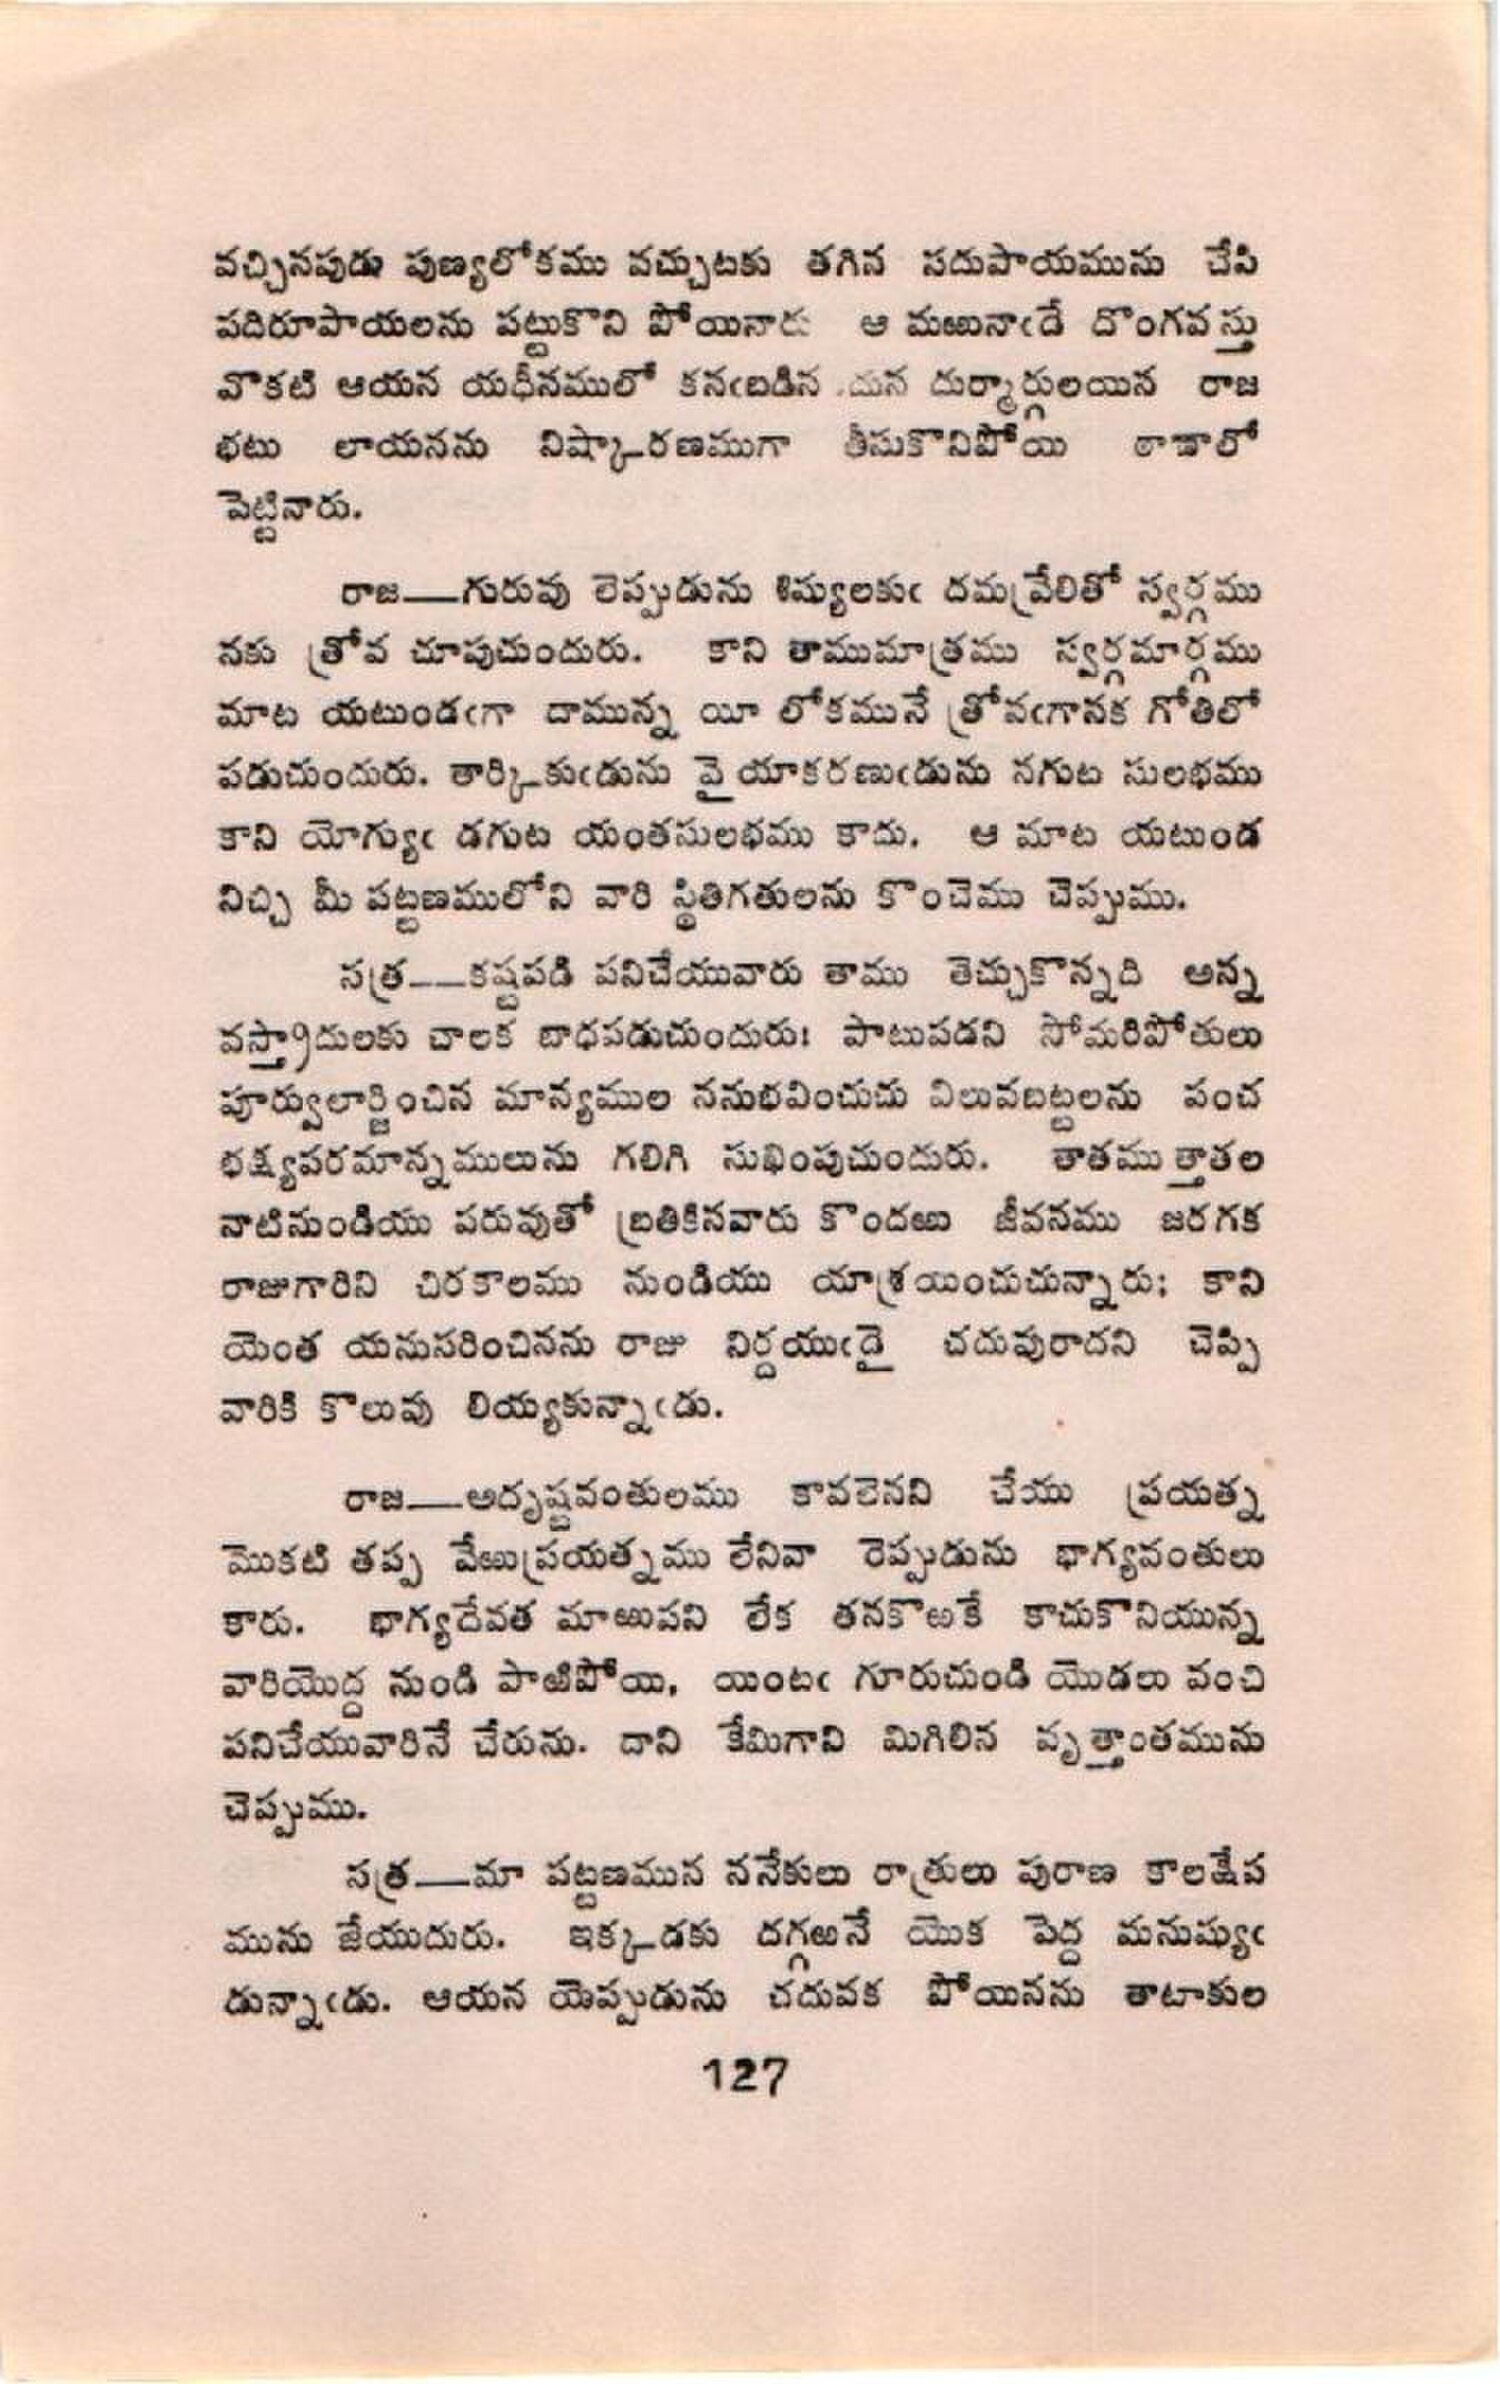వచ్చినపుడు పుణ్యలోకము వచ్చుటకు తగిన సదుపాయమును చేసి పదిరూపాయలను పట్టుకొని పోయినారు ఆ మఱునాఁడే దొంగవస్తు వొకటి ఆయన యధీనములో కనబడిన యన దుర్మార్గులయిన రాజ భటు లాయనను నిష్కారణముగా తీసుకొనిపోయి ఠాణాలో పెట్టినారు.

రాజ__గురువు లెప్పుడును శిష్యులకుఁ దమవ్రేలితో స్వర్గము నకు త్రోవ చూపుచుందురు. కాని తాముమాత్రము స్వర్గమార్గము మాట యటుండఁగా దామున్న యీ లోకమునే త్రోవఁగానక గోతిలో పడుచుందురు. తార్కికుఁడును వైయాకరణుఁడును నగుట సులభము కాని యోగ్యుఁ డగుట యంతసులభము కాదు. ఆ మాట యటుండ నిచ్చి మీ పట్టణములోని వారి స్థితిగతులను కొంచెము చెప్పుము.

సత్ర__కష్టపడి పనిచేయువారు తాము తెచ్చుకొన్నది అన్న వస్త్రాదులకు చాలక బాధపడుచుందురు! పాటుపడని సోమరిపోతుల పూర్వులార్జించిన మాన్యముల ననుభవించుచు విలువబట్టలను పంచ భక్ష్యపరమాన్నములను గలిగి సుఖింపుచుందురు. తాతముత్తాతల నాటినుండియు పరువుతో బ్రతికినవారు కొందఱు జీవనము జరగక రాజుగారిని చిరకాలము నుండియు యాశ్రయించుచున్నారు; కాని యెంత యనుసరించినను రాజు నిర్ణయుఁడై చదువురాదని చెప్పి వారికి కాలువ లియ్యకున్నాఁడు.

రాజ__ఆదృష్టవంతులము కావలెనని చేయు ప్రయత్న మొకటి తప్ప వేఱుప్రయత్నము లేనివా రెప్పడును భాగ్యవంతులు కారు. భాగ్యదేవత మాఱుపని లేక తనకొఱకే కాచుకొనియున్న వారియొద్ద నుండి పాఱిపోయి యింట గూరుచుండి యొడలు వంచి పనిచేయువారినే చేరును. దాని కేమిగాని మిగిలిన వృత్తాంతమును చెప్పము.

సత్ర__మా పట్టణమున ననేకులు రాత్రులు పురాణ కాలక్షేప మును జేయుదురు. ఇక్కడకు దగ్గఱనే యొక పెద్ద మనుష్యుఁ డున్నాఁడు. ఆయన యెప్పుడును చదువక పోయినను తాటాకుల